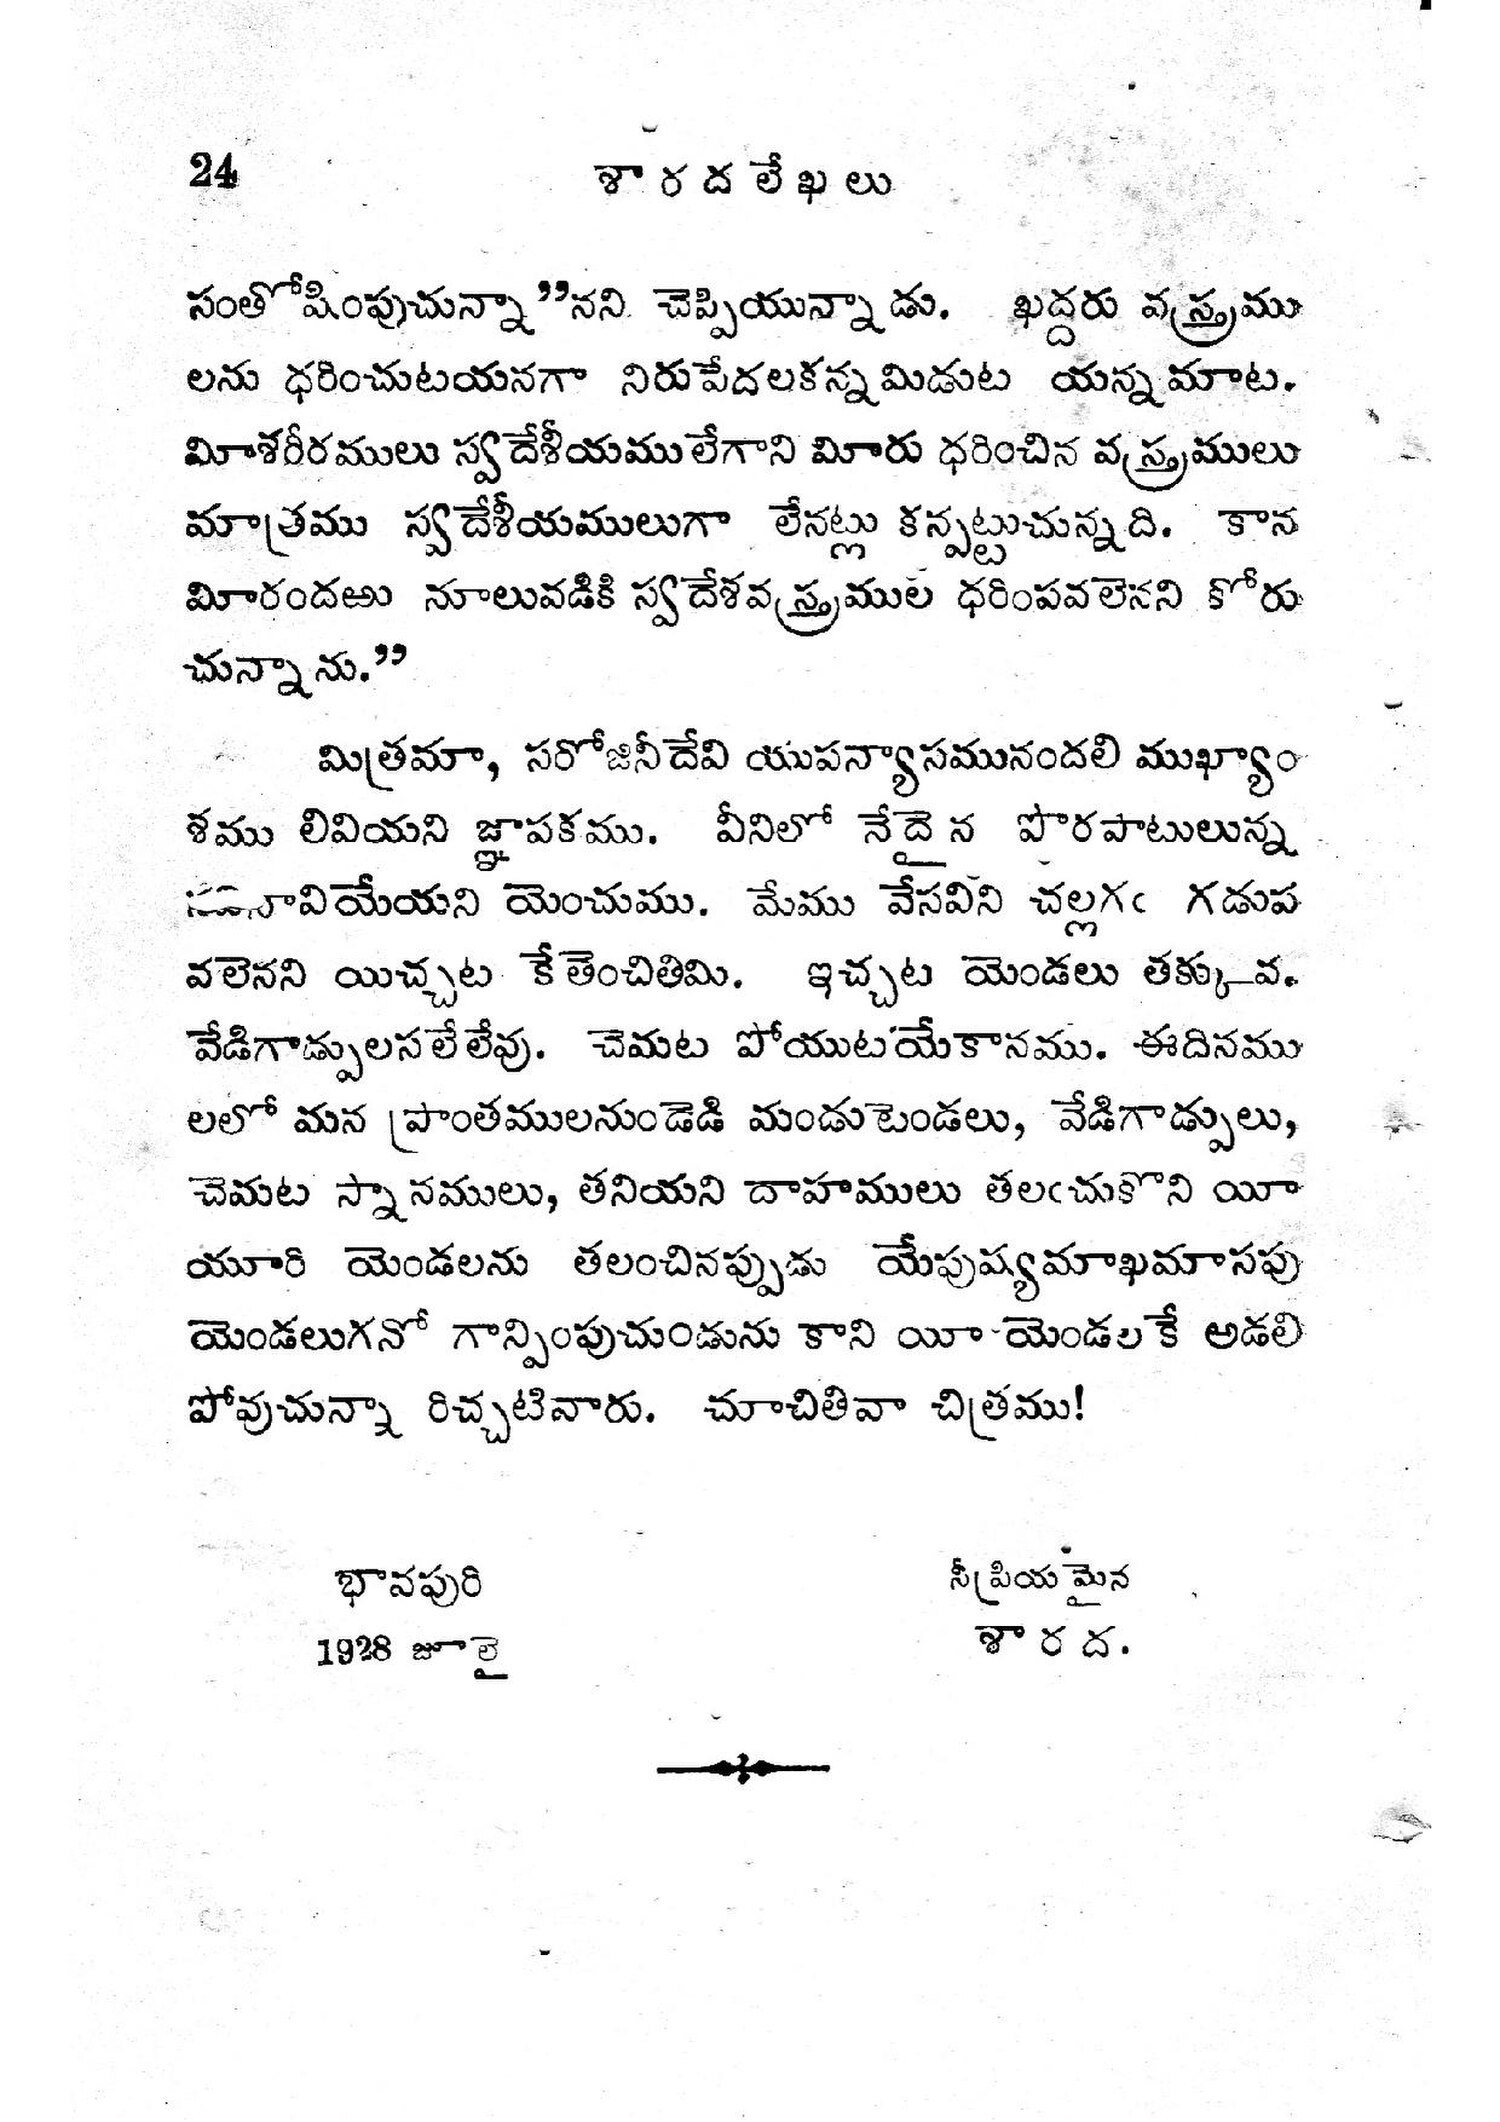సంతోషింపుచున్నా"నని చెప్పియున్నాడు. ఖద్దరు వస్త్రములను ధరించుటయనగా నిరుపేదలకన్నమిడుట యన్నమాట. విూశరీరములు స్వదేశీయములేగాని విూరు ధరించిన వస్త్రములు మాత్రము స్వదేశీయములుగా లేనట్లు కన్పట్టుచున్నది. కాన విూరందఱు నూలువడికి స్వదేశవస్త్రముల ధరింపవలెనని కోరుచున్నాను."

మిత్రమా, సరోజినీదేవి యుపన్యాసమునందలి ముఖ్యాంశము లివియని జ్ఞాపకము. వీనిలో నేదైన పొరపాటులున్న నదినావియేయని యెంచుము. మేము వేసవిని చల్లగఁ గడుపవలెనని యిచ్చట కేతెంచితిమి. ఇచ్చట యెండలు తక్కువ. వేడిగాడ్పులసలేలేవు. చెమట పోయుటయేకానము. ఈదినములలో మన ప్రాంతములనుండెడి మండుటెండలు, వేడిగాడ్పులు, చెమట స్నానములు, తనియని దాహములు తలఁచుకొని యీ యూరి యొండలను తలంచినప్పుడు యేపుష్యమాఖమాసపు యొండలుగనో గాన్పింపుచుండును కాని యీ యెండలకే అడలి పోవుచున్నా రిచ్చటివారు. చూచితివా చిత్రము!